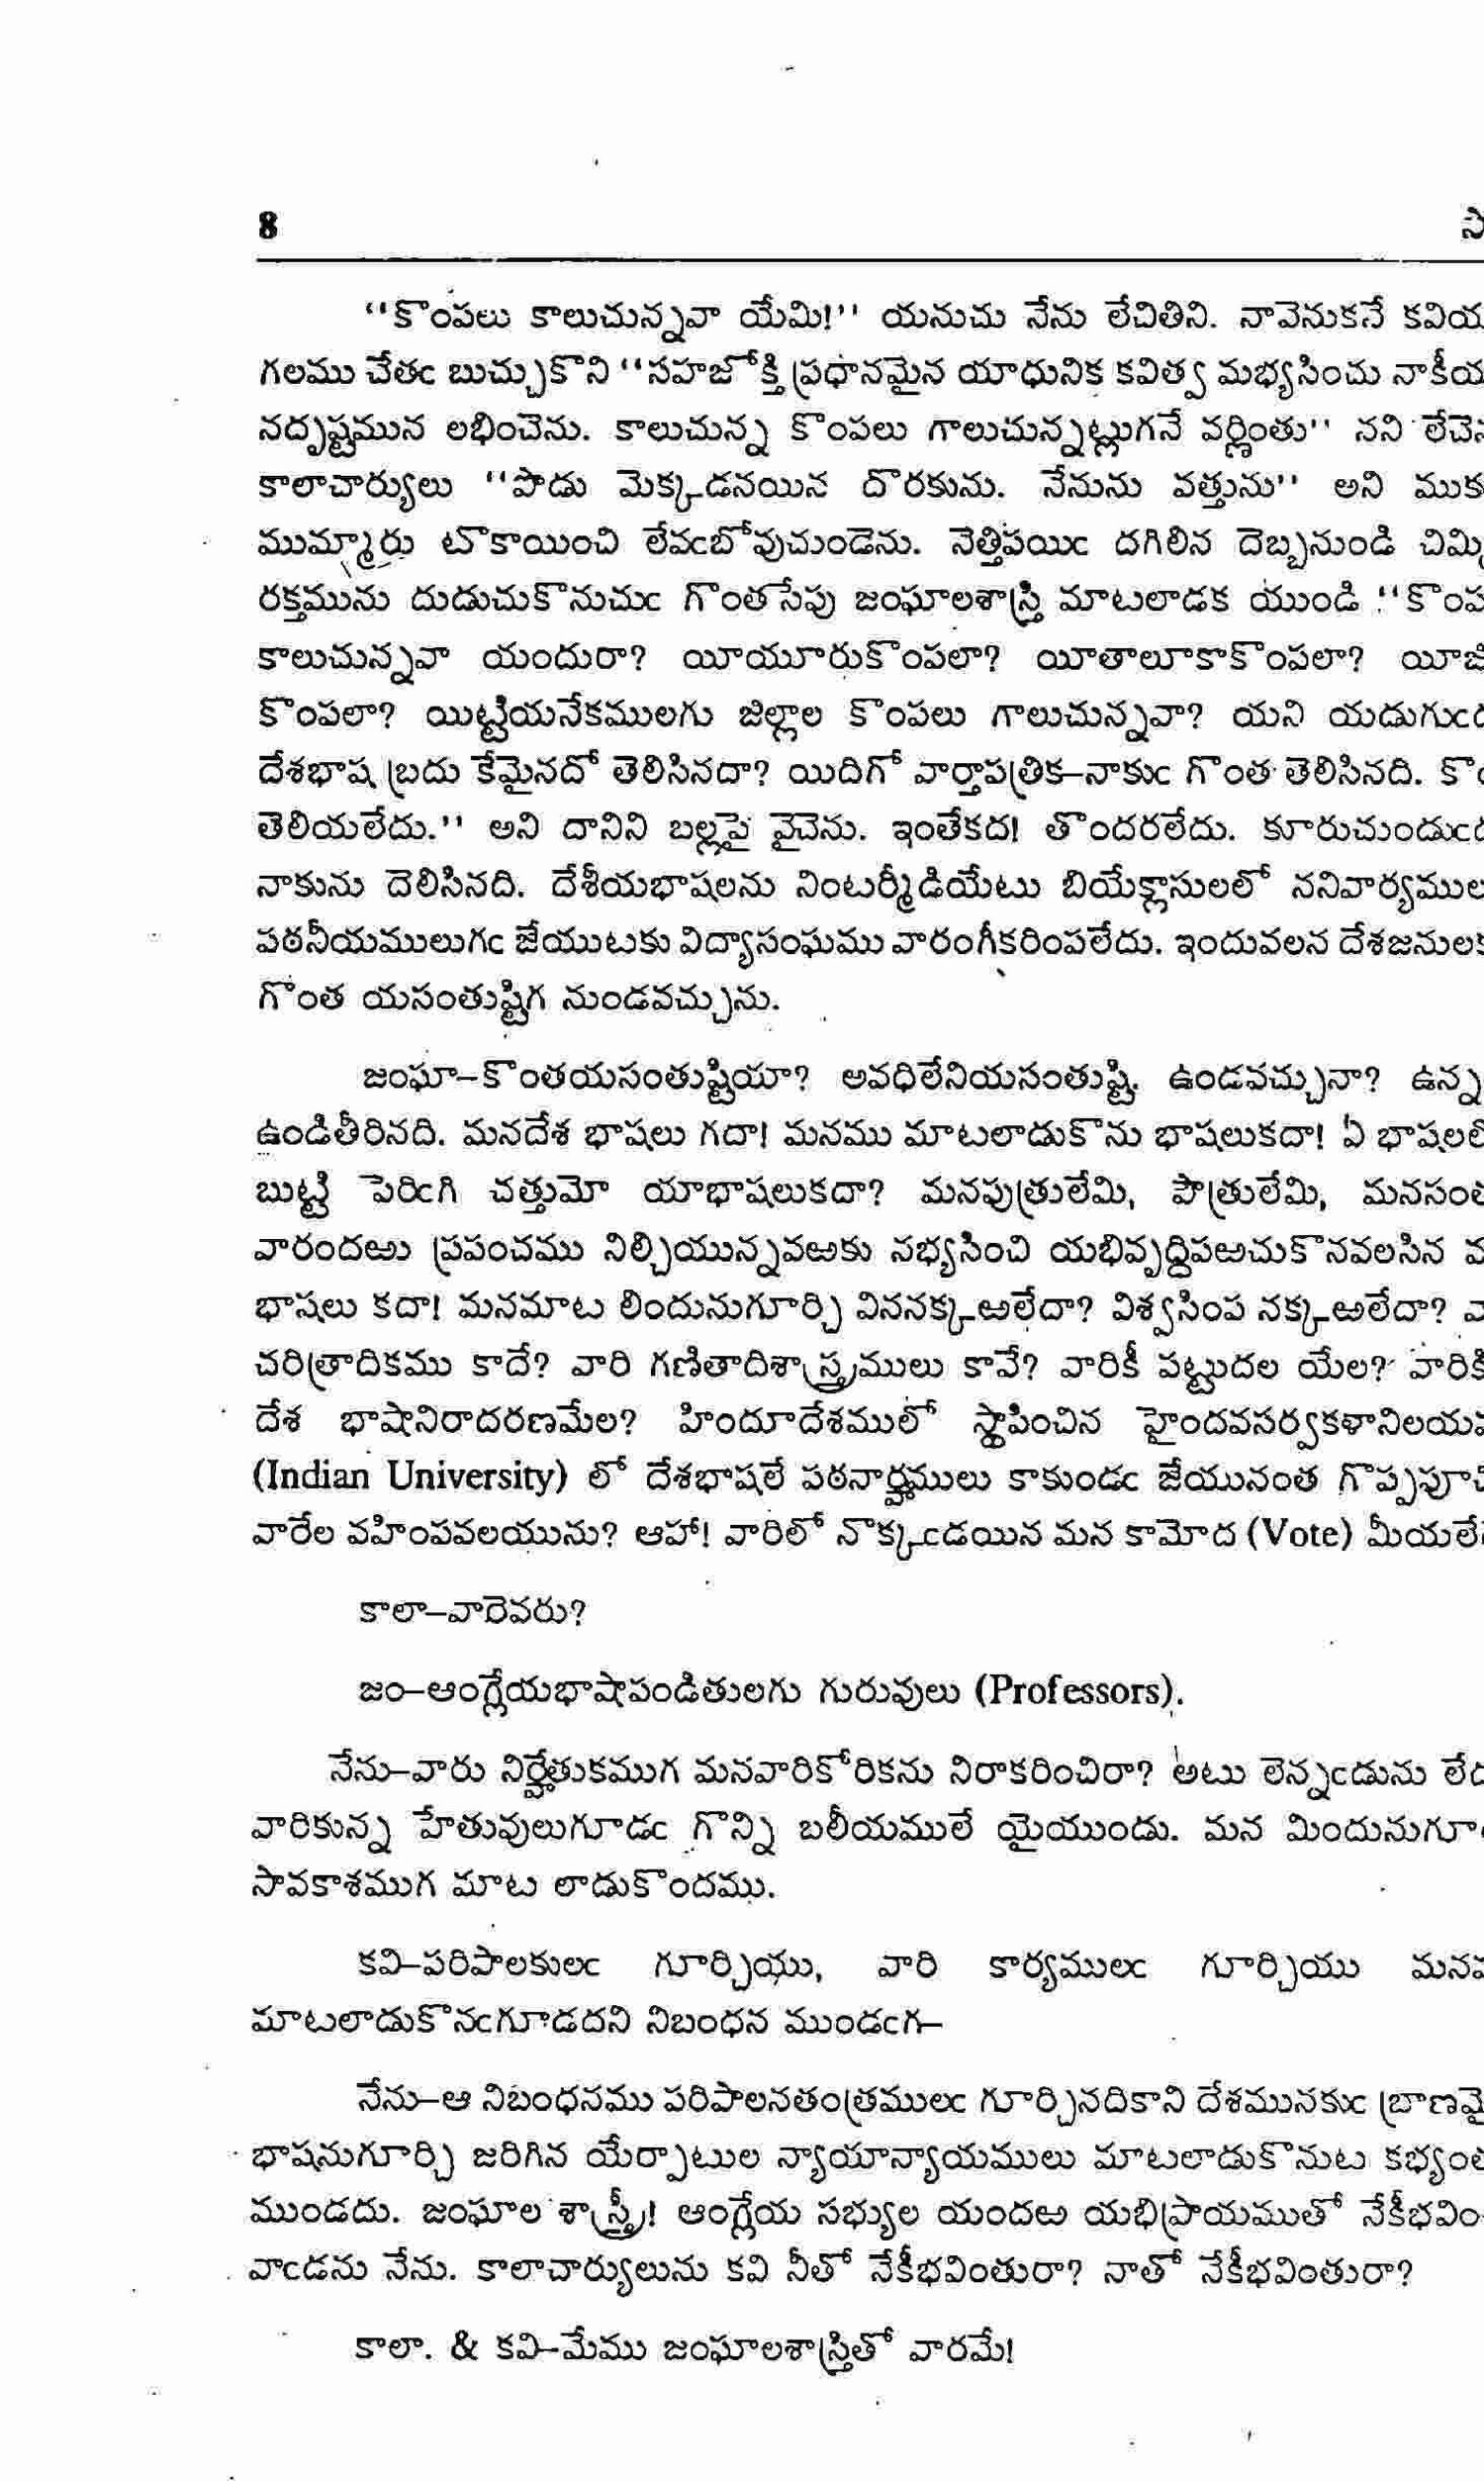కొంపలు కాలుచున్నవా యేమి!" యనుచు నేను లేచితిని. నా వెనుకనే కవియు గలము చేతఁ బుచ్చుకొని “సహజోక్తి ప్రధానమైన యాధునిక కవిత్వ మభ్యసించు నాకీయనదృష్టమున లభించెను. కాలుచున్న కొంపలు గాలుచున్నట్లుగనే వర్ణింతు నని లేచేను. కాలాచార్యులు “పొడు మెక్కడనయిన దొరకును. నేనును వత్తును" అని ముక్కు ముమ్మారు టొకాయించి లేవఁబోవుచుండెను. నెత్తిపయిఁ దగిలిన దెబ్బనుండి చిమ్మి రక్తమును దుడుచుకొనుచుఁ గొంతసేపు జంఘాలశాస్త్రి మాటలాడక యుండి "కొంప కాలుచున్నవా యందురా? యీయూరుకొంపలా? యీతాలూకాకొంపలా? యీజి కొంపలా? యిట్టియనేకములగు జిల్లాల కొంపలు గాలుచున్నవా? యని యడుగుఁ దేశభాష బ్రదు కేమైనదో తెలిసినదా? యిదిగో వార్తాపత్రిక-నాకుఁ గొంత తెలిసినది. కొంత తెలియలేదు." అని దానిని బల్లపై వైచెను. ఇంతేకద! తొందరలేదు. కూరుచుండుఁడు నాకును దెలిసినది. దేశీయభాషలను నింటర్మీడియేటు బియేక్లాసులలో ననివార్యములు పఠనీయములుగఁ జేయుటకు విద్యాసంఘము వారంగీకరింపలేదు. ఇందువలన దేశజనులకు గొంత యసంతుష్టిగ నుండవచ్చును.

జంఘా-కొంతయసంతుష్టియా? అవధిలేనియసంతుష్టి. ఉండవచ్చునా? ఉన్న ఉండితీరినది. మనదేశ భాషలు గదా! మనము మాటలాడుకొను భాషలుకదా! ఏ భాషలలో బుట్టి పెరిఁగి చత్తుమో యాభాషలుకదా? మనపుత్రులేమి, పౌత్రులేమి, మనసంతతి వారందఱు ప్రపంచము నిల్చియున్నవఱకు నభ్యసించి యభివృద్ధిపఱచుకొనవలసిన వ భాషలు కదా! మనమాట లిందునుగూర్చి విననక్కఱలేదా? విశ్వసింప నక్కఱలేదా? మా చరిత్రాదికము కాదే? వారి గణితాదిశాస్త్రములు కావే? వారికీ పట్టుదల యేల?" వారికి దేశ భాషానిరాదరణమేల? హిందూదేశములో స్థాపించిన హైందవసర్వకళానిలయము (Indian University) లో దేశభాషలే పఠనార్హములు కాకుండఁ జేయునంత గొప్పపూచి వారేల వహింపవలయును? ఆహా! వారిలో నొక్కఁడయిన మన కామోద (Vote) మీయలేదు

కాలా-వారెవరు?

జం-ఆంగ్లేయభాషాపండితులగు గురువులు (Professors).

నేను-వారు నిర్హేతుకముగ మనవారికోరికను నిరాకరించిరా? అటు లెన్నఁడును లేదు వారికున్న హేతువులుగూడఁ గొన్ని బలీయములే యైయుండు. మన మిందునుగూడ సావకాశముగ మాట లాడుకొందము.

కవి - పరిపాలకులఁ గూర్చియు, వారి కార్యములఁ గూర్చియు మనము మాటలాడుకొనఁగూడదని నిబంధన ముండఁగ-

నేను-ఆ నిబంధనము పరిపాలనతంత్రములఁ గూర్చినదికాని దేశమునకుఁ బ్రాణమై భాషనుగూర్చి జరిగిన యేర్పాటుల న్యాయాన్యాయములు మాటలాడుకొనుట కభ్యంతర ముండదు. జంఘాల శాస్త్రీ! ఆంగ్లేయ సభ్యుల యందఱ యభిప్రాయముతో నేకీభవించు వాఁడను నేను. కాలాచార్యులును కవి నీతో నేకీభవింతురా? నాతో నేకీభవింతురా?

కాలా. & కవి-మేము జంఘాలశాస్త్రితో వారమే!